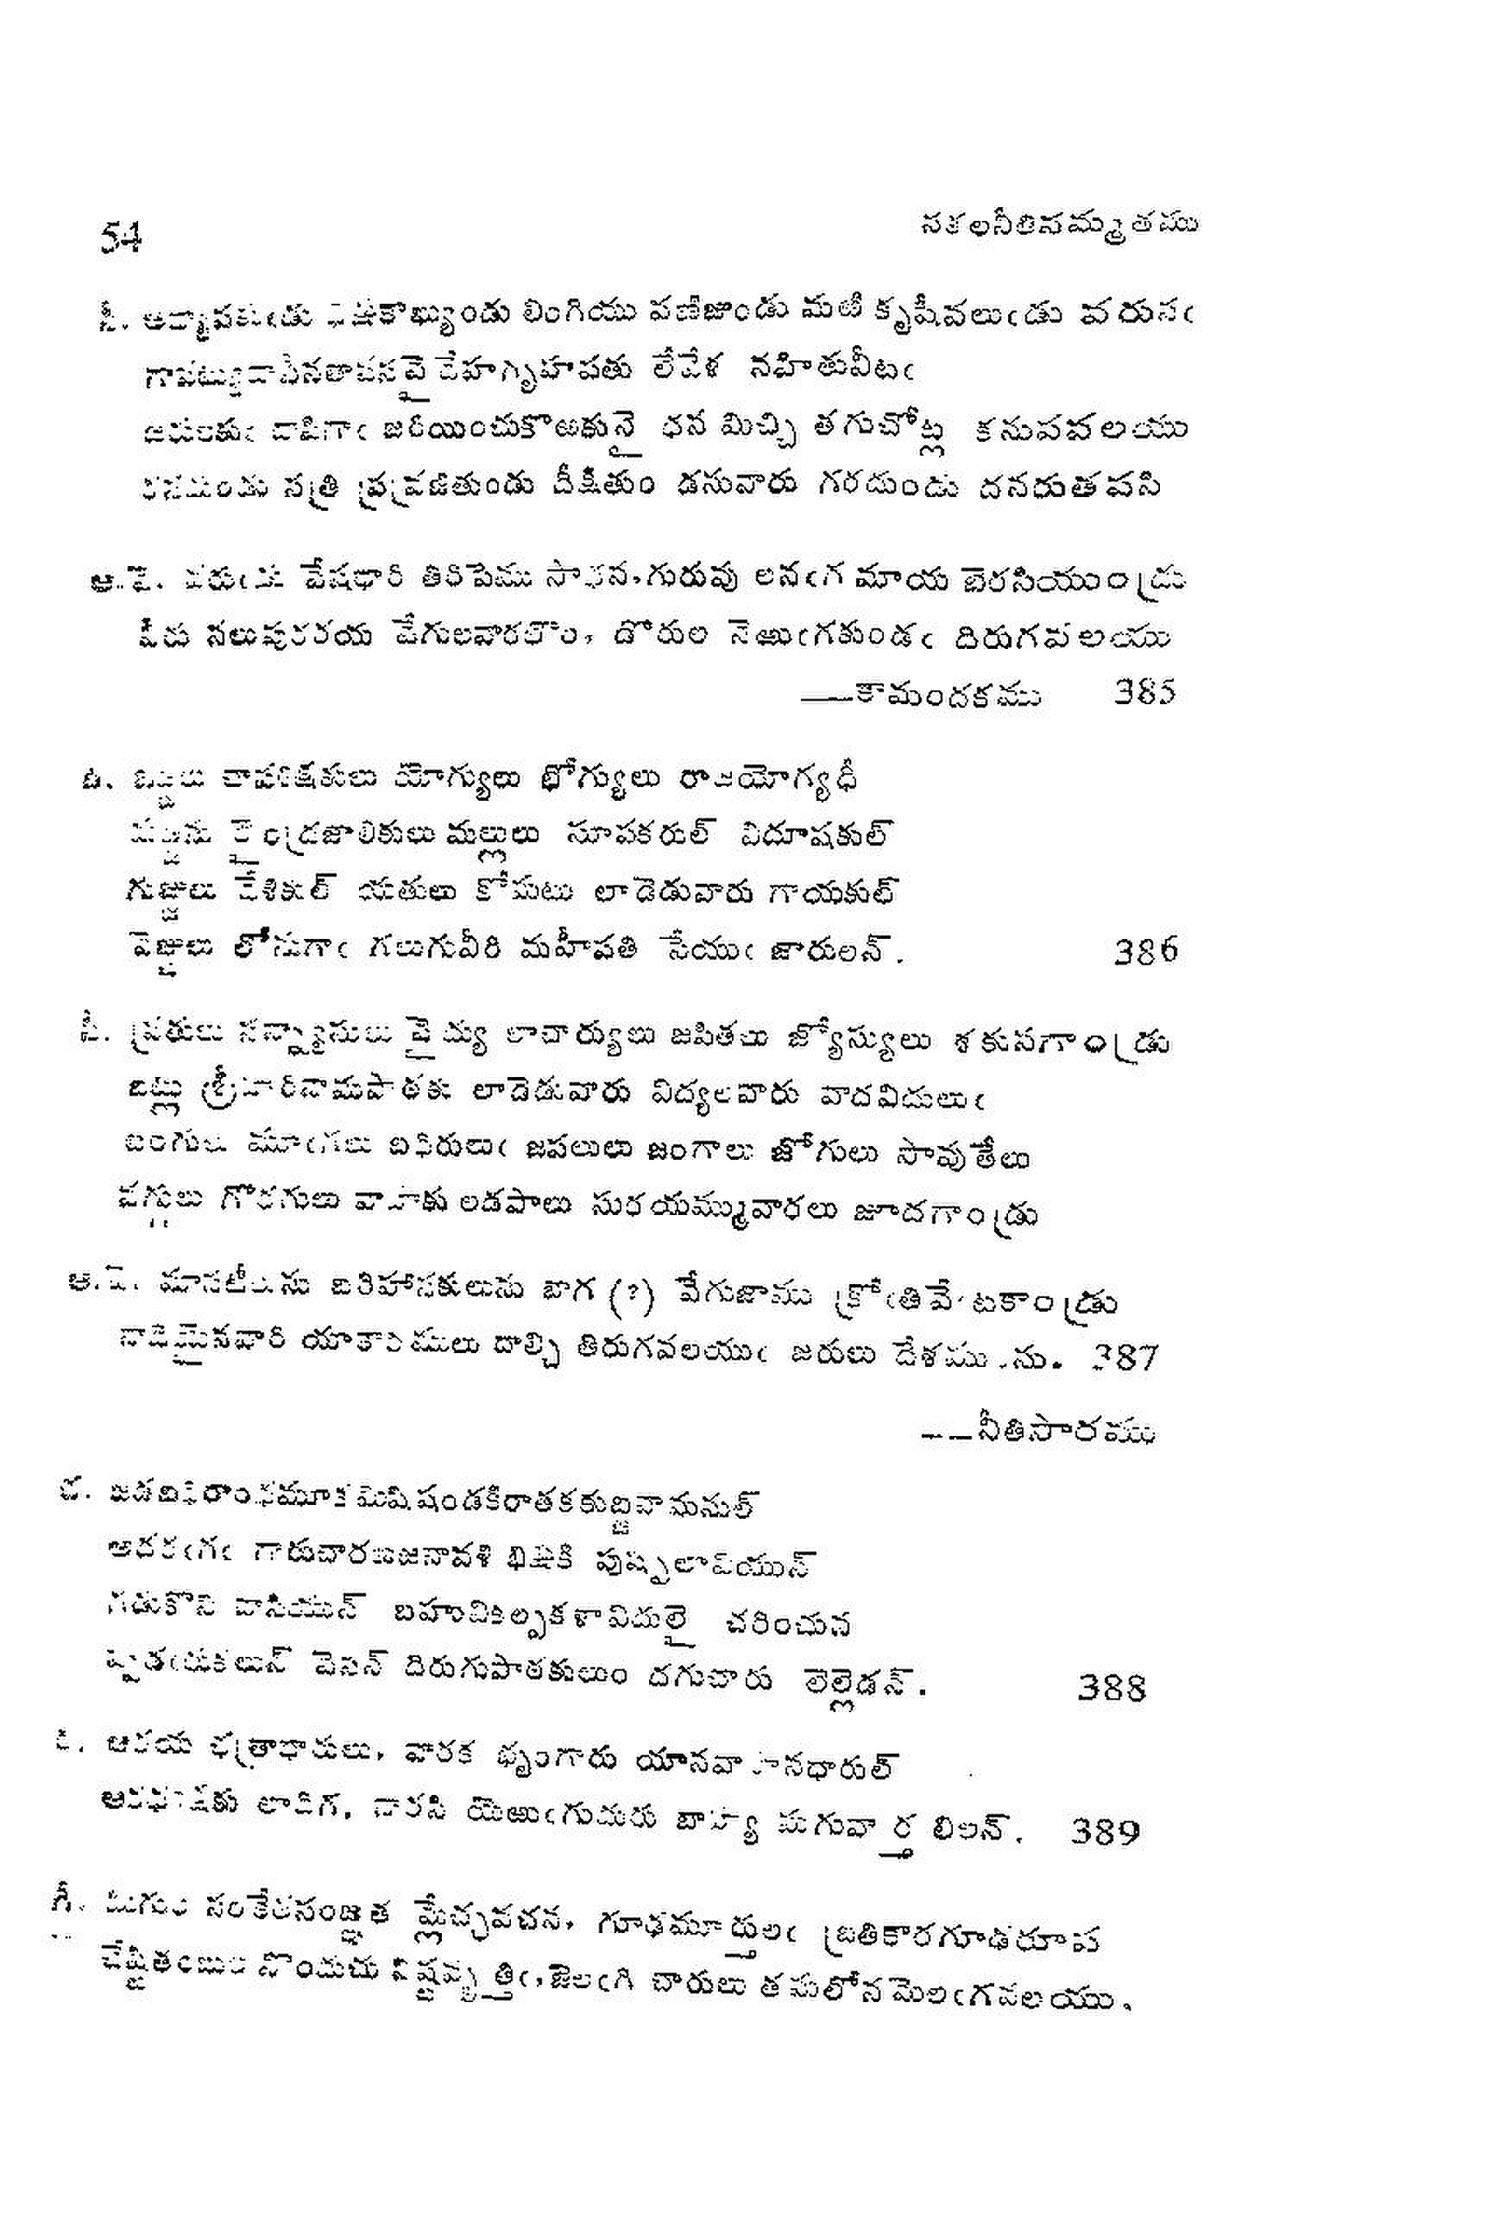సీ. అధ్యాపకుఁడు బిక్షుకాక్షుండు లింగియు
వణిజుండు మఱి కృషీవలుఁడు వరుసఁ
గాపట్యుదాసీనతాపసవైదేహ
గృహపతు లేవేళ నహితువీటఁ
జరులకుఁ దాసిగాఁ జరియించుకొఱకునై
ధన మిచ్చి తగుచోట్ల కనుపవలయు
రసదుండు సత్రి ప్రవ్రజితుండు దీక్షితుం
డనువారు గరదుండు దనరు తపసి
ఆ. వరుఁడు వేషధారి తిరిపెము సాధన
గురువు లనఁగ మాయ బెరసియుండ్రు
వీరు నలువు రరయ వేగులవారలొం
డొరుల నెఱుఁగకుండఁ దిరుగవలయు. 385

ఉ. ఒజ్జలు చాపశిక్షకులు యోగ్యులు భోగ్యులు రాజయోగ్యధీ
మజ్జను లైంద్రజాలికులు మల్లులు సూపకరుల్ విదూషకుల్
గుజ్జులు దేశికుల్ యతులు కోమటు లాడెడువారు గాయకుల్
వెజ్జులు లోనుగాఁ గలుగువీరి మహీపతి సేయుఁ జారులన్. 386

సీ. వ్రతులు సన్న్యాసులు వైద్యు లాచార్యులు
జపితలు జ్యోస్యులు శకునగాండ్రు
బట్లు శ్రీహరినామపాఠకు లాడెడు
వారు విద్యలవారు వాదవిదులుఁ
బంగులు మూఁగలు బధిరులుఁ జపలులు
జంగాలు జోగులు సావుతేలు
వగ్గులు గొరగులు వాహకు లడపాలు
సురయమ్మువారలు జూదగాండ్రు
ఆ. మావటీలును బరిహాసకులును బాగ (?)
వేగుజాము క్రోఁతి వేఁటకాండ్రు
నాదియైనవారి యాకారములు దాల్చి
తిరుగవలయుఁ జరులు దేశములను. 387

చ. జడబధిరాంధమూకమిషిషండకిరాతకకుబ్జవామనుల్
అడరఁగఁ గారుచారణజనావళి భిక్షుకి పుష్పలావియున్
గడుకొని దాసియున్ బహువికల్పకళావిదులై చరించున
ప్పడఁతుకలున్ వెసన్ దిరుగుపాఠకులుం దగుచారు లెల్లెడన్. 388

క. ఆరయ ఛత్రధారులు
వారక భృంగారు యానవాహనధారుల్
ఆరథశిక్షకు లాదిగ
నారసి యెఱుఁగుదురు బాహ్య మగు వార్త లిలన్. 389

గీ. మిగుల సంకేతసంజ్ఞత మ్లేచ్ఛవచన
గూఢమూర్తులఁ బ్రతికారగూఢరూప
చేష్టితంబుల నొందుచు నిష్ఠవృత్తిఁ
జెలఁగి చారులు తమలోన మెలఁగవలయు.390